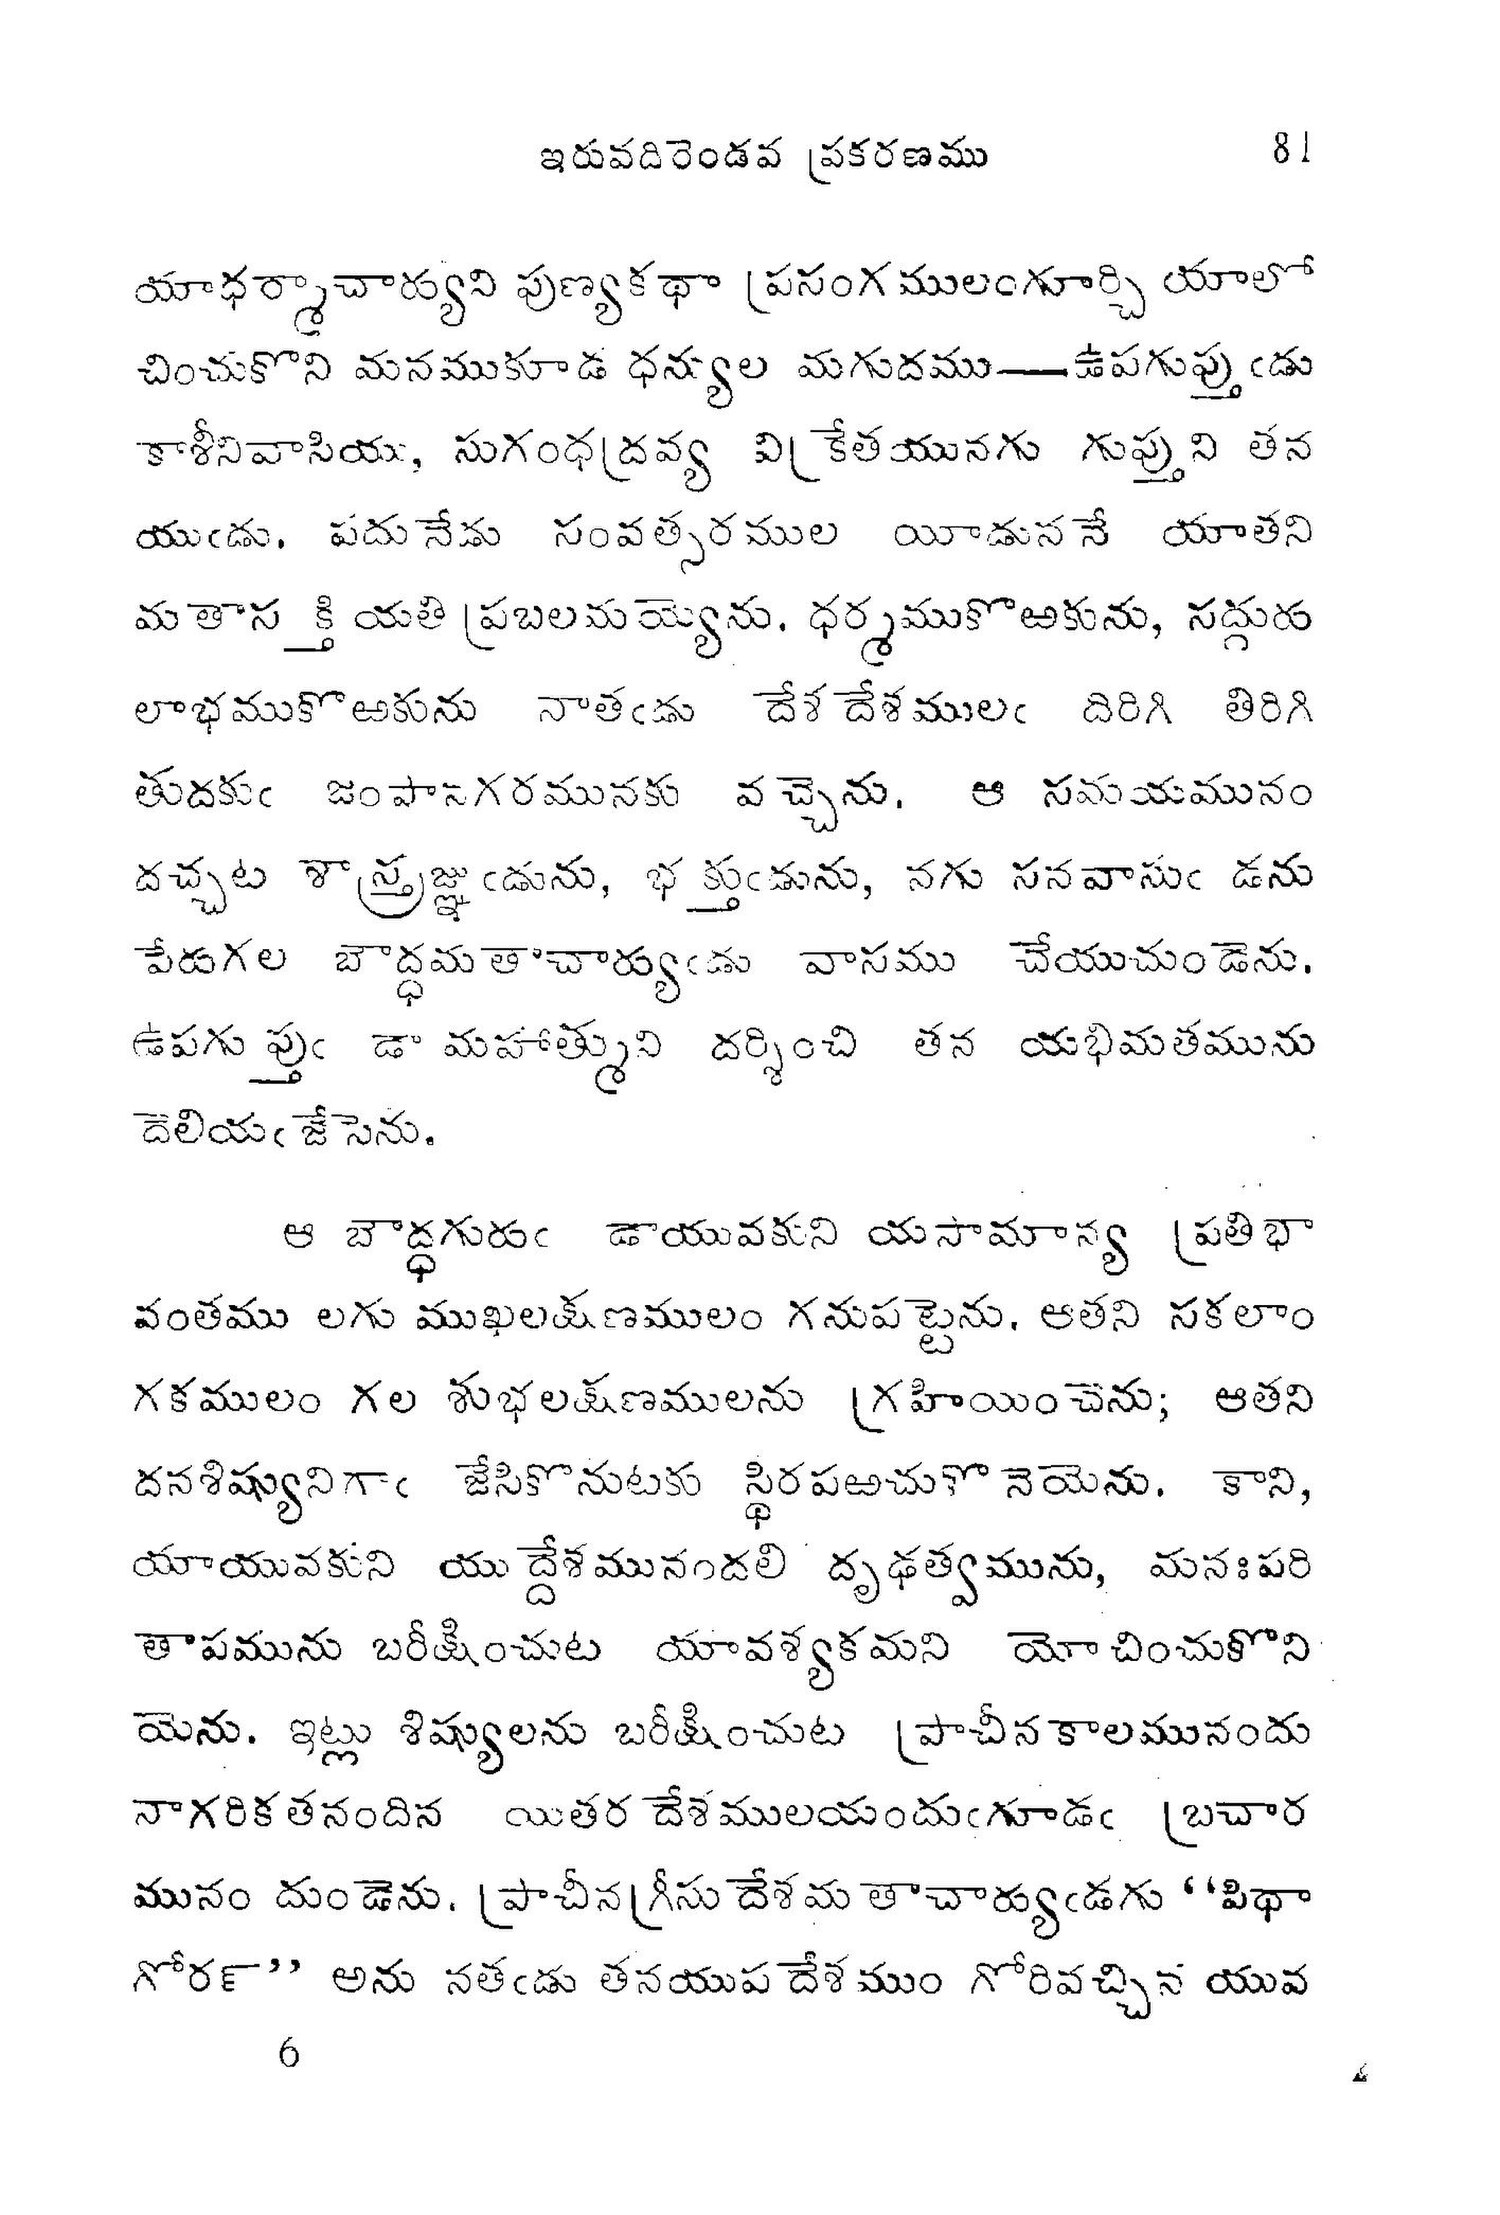యాధర్మాచార్యుని పుణ్యకథా ప్రసంగములంగూర్చి యాలోచించుకొని మనముకూడ ధన్యుల మగుదము — ఉపగుప్తుఁడు కాశీ నివాసియు, సుగంధ ద్రవ్య విక్రేత యునగు గుప్తుని తనయుఁడు. పదు నేడు సంవత్సరముల యీడుననే యాతని మతాసక్తి యతి ప్రబలమయ్యెను. ధర్మముకొఱకును, సద్గురు లాభముకొఱకును నాతఁడు దేశదేశములఁ దిరిగి తిరిగి తుదకుఁ జంపానగరమునకు వచ్చెను. ఆ సమయమునందచ్చట శాస్త్రజ్ఞుఁడును, భక్తుఁడును, నగు సన వాసుఁ డను పేరుగల బౌద్ధమ తాచార్యుఁడు వాసము చేయుచుండెను.
ఉపగుప్తుఁ డా మహాత్ముని దర్శించి తన యభిమతమును దెలియఁ జేసెను.

ఆ బౌద్ధగురుఁ డాయువకుని యసామాన్య ప్రతిభావంతము లగు ముఖలక్షణములం గనుప ట్టెను. అతని సకలాంగకములం గల శుభలక్షణములను గ్రహియించెను; ఆతని దన శిష్యునిగాఁ జేసికొనుటకు స్థిరపఱచుకొ నెయెను. కాని, యాయువకుని యుద్దేశమునందలి దృఢత్వమును, మనఃపరితాపమును బరీక్ష్మించుట యావశ్యకమని యోచించుకొనియెను. ఇట్లు శిష్యులను బరీక్షించుట ప్రాచీన కాలమునందు యితర దేశములయందుఁగూడఁ బ్రచార
మునం దుండెను. ప్రాచీన గ్రీసు దేశమ తాచార్యుఁడగు “పిథా గోరణ” అను నతఁడు తనయుప దేశముం గోరివచ్చిన యువ